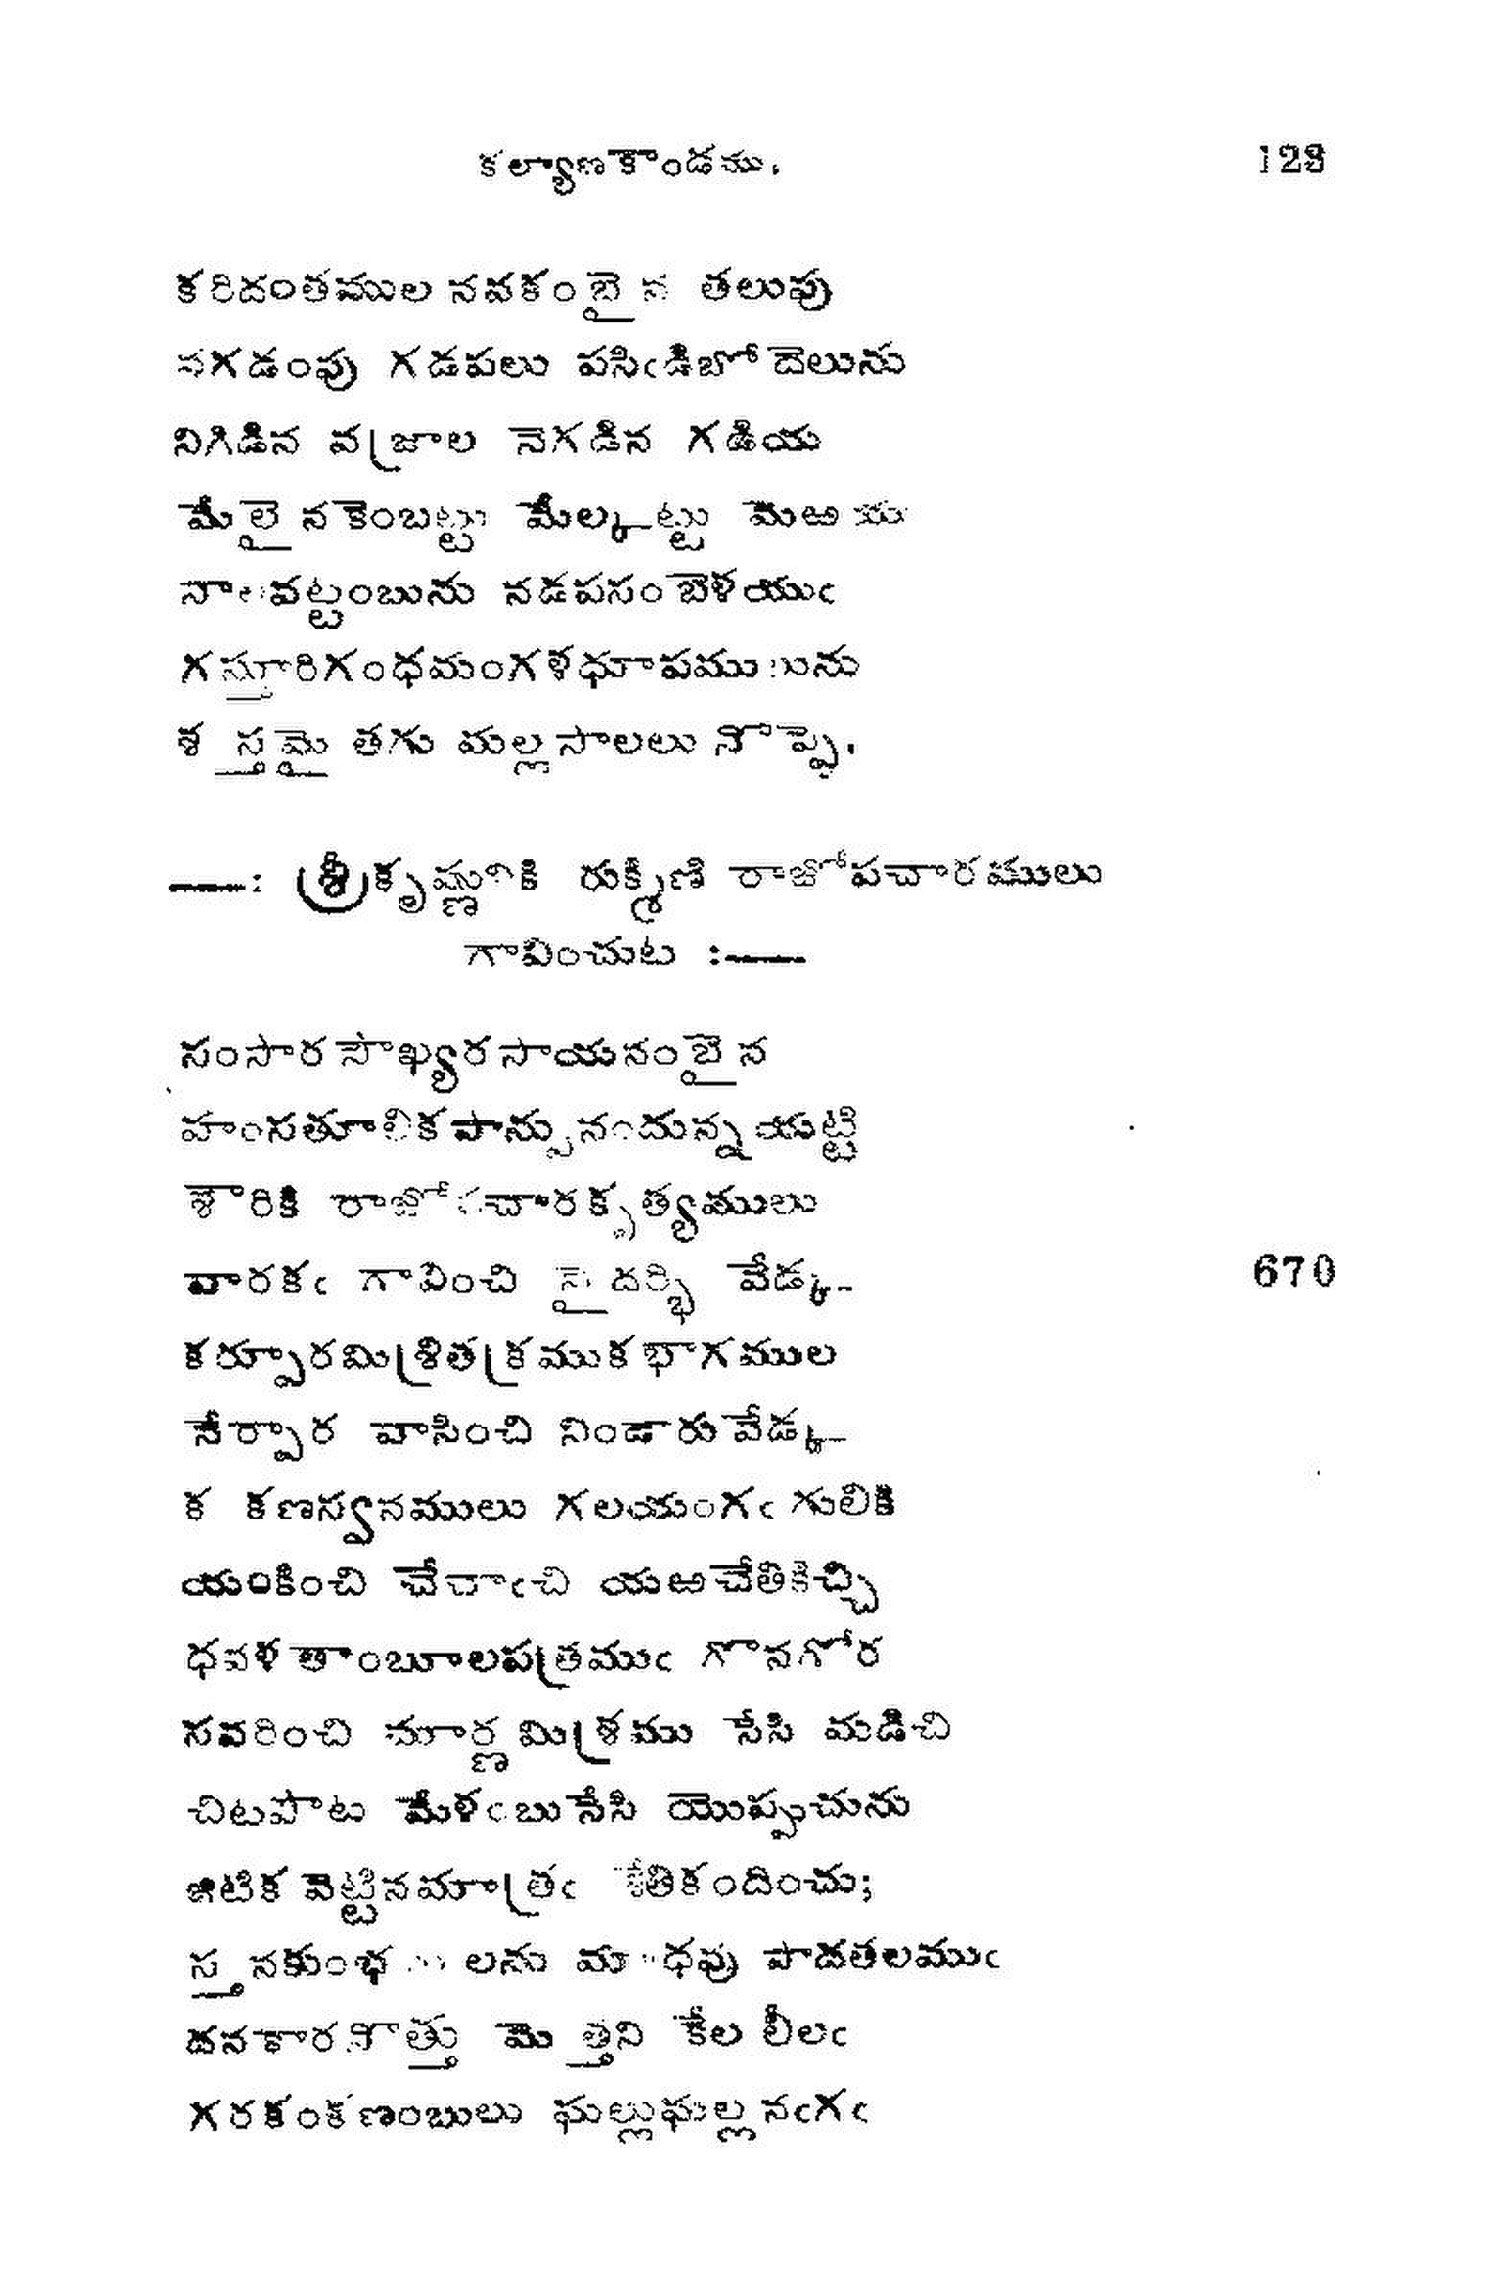కరిదంతముల నవకంబైన తలుపు
పగడంపు గడపలు పసిఁడి బోదెలును
నిగిడిన వజ్రాల నెగడిన గడియ
మేలైన కెంబట్టు మేల్కట్టు మెఱయు
నాల వట్టంబును నడపసంబెళయుఁ
గస్తూరి గంధ మంగళ ధూపములును
శస్తమై తగు మల్లసాలలు నొప్పె.

సంసారసౌఖ్యరసాయనంబైన
హంసతూలికపాన్పునందున్నయట్టి
శౌరికి రాజోపచారకృత్యములు
వారకఁ గావించి వైదర్భి వేడ్క
కర్పూరమిశ్రితక్రముక భాగముల
నేర్పార వాసించి నిండారు వేడ్క
కంకణస్వనములు గలయంగఁ గులికి
యంకించి చేచాఁచి యఱచేతికిచ్చి
ధవళ తాంబూలపత్రముఁ గొనగోర
సవరించి చూర్ణమిశ్రము సేసి మడిచి
చిటపట మేళంబు సేసి యొప్పుచును
జిటిక వెట్టినమాత్రఁ జేతికందించు; 
స్తనకుంభములను మాధవు పాదతలముఁ
దనకారనొత్తు మెత్తని కేల లీలఁ
గరకంకణంబులు ఘల్లుఘల్లనఁగఁ